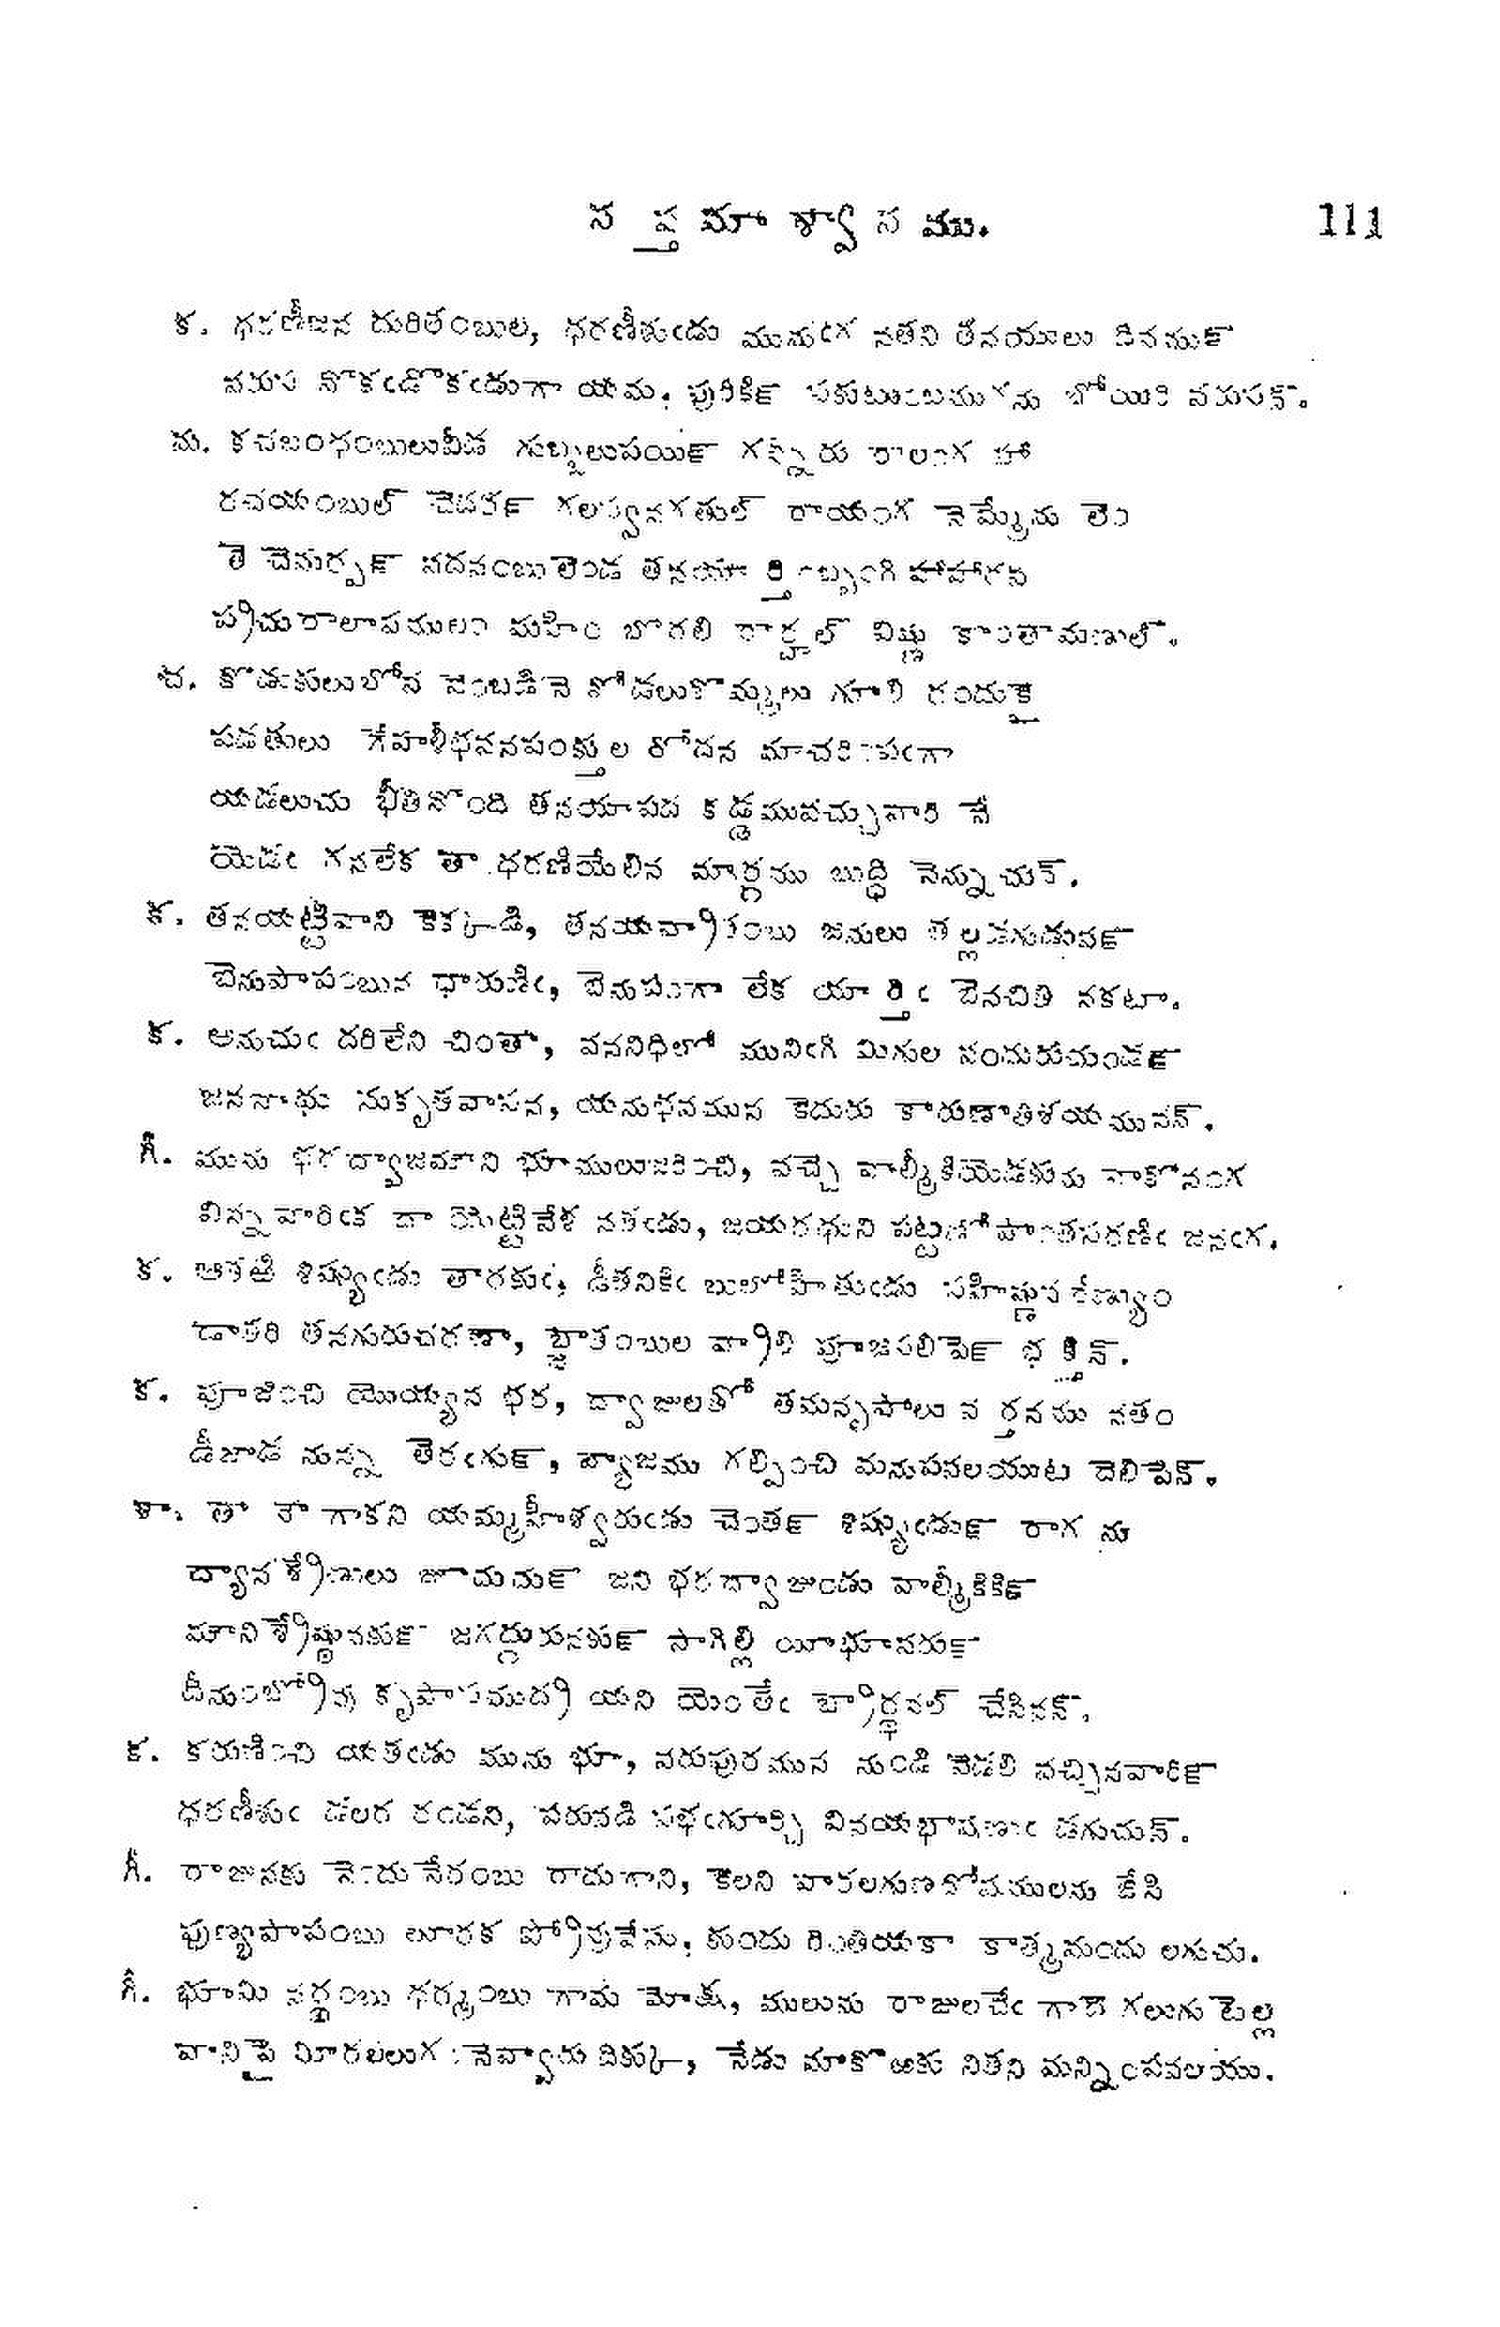క. ధరణీజన దురితంబుల, ధరణీశుఁడు మునుఁగ నతని తనయులు దినమున్
 వరుస నొకఁడొకఁడుగా యమ, పురికిన్ సకుటుంబముగను బోయిరి వరుసన్.
మ. కచబంధంబులు వీడ గుబ్బలుపయిన్ గన్నీరు రాలంగ హా
 రచయంబుల్ చెదరన్ గలస్వనగతుల్ రాయంగ నెమ్మేను లెం
 తె చెమర్పన్ వదనంబు లెండ తనయార్తింబృంగి హాహారవ
 ప్రచురాలాపములం మహిం బొరలి రార్హల్ విష్ణు కాంతామణుల్.
చ. కొడుకులు బోవ వెంబడినె కోడలుకొమ్మలు గూలి రందుకై
 పడతులు గేహళీభవనపంక్తుల రోదన మాచరింపఁగా
 యడలుచు భీతినొంది తనయాపద కడ్డమువచ్చువారి నే
 యెడఁ గనలేక తా ధరణియేలిన మార్గము బుద్ధి నెన్నుచున్.
క. తనయట్టివాని కెక్కడి, తనవ్రాతంబు జనులు తల్లడగుడుపన్
 బెనుపాపంబున ధారుణి, బెనుపంగా లేక యార్తిఁ బెనచితి నకటా.
క. అనుచుఁ దరిలేని చింతా, వననిధిలో మునిఁగి మిగుల వందురుచుండన్
 జననాథు సుకృతవాసన, యనుభవమున కెదుకు కారుణాతిశయమునన్.
గీ. మును భరద్వాజమౌని భూములు జరించి, వచ్చె వాల్మీకియెడకును వాకొనంగ
 విన్నవారిఁక దా యెట్టివేళ నతఁడు, జయరథుని పట్టణోపాంతసరణిఁ జనఁగ.
క. ఆతఱి శిష్యుఁడు తారకుఁ, డీతనికిఁ బురోహితుఁడు సహిష్ణువరేణ్యుం
 డాతరి తనగురుచరణా, బ్జాతంబుల వ్రాలి పూజసలిపెన్ భక్తిన్.
క. పూజించి యొయ్యన భర, ద్వాజులతో తమనృపాలు వర్తనము నతం
 డీజాడ నున్నతెరఁగున్, వ్యాజము గల్పించి మనుపవలయుట దెలిపెన్.
శా. తా నౌ గాకని యమ్మహీశ్వరుఁడు చెంతన్ శిష్యుఁడున్ రాగ ను
 ద్యానశ్రేణులు జూచుచున్ జని భరద్వాజుండు వాల్మీకికిన్
 మౌనిశ్రేష్ఠునకున్ జగద్గురునకున్ సాగిల్లి యీభూవరున్
 దీనుంబ్రోవు కృపాసముద్ర యని యెంతేఁ బ్రార్థనల్ చేసినన్.
క. కరుణించి యతఁడు మును భూ, వరుపురమున నుండి వెడలి వచ్చినవారిన్
 ధరణీశుఁ డలర రండని, పరువడి సభఁగూర్చి వినయభాషణుఁ డగుచున్.
గీ. రాజునకు నెందు నేరంబు రాదు గాని, కెలని వారలగుణదోషములను జేసి
 పుణ్యపాపంబు లూరక ప్రోవువేసు, కుందు రింతియకా కాత్మమందు లగుచు.
గీ. భూమి నర్థంబు ధర్మంబు గామ మోక్ష, ములును రాజులచేఁ గాదె గలుగు టెల్ల
 వానిపై మీరలలుగఁ నెవ్వారు దిక్కు, నేడు మాకొఱకు నితని మన్నింపవలయు.